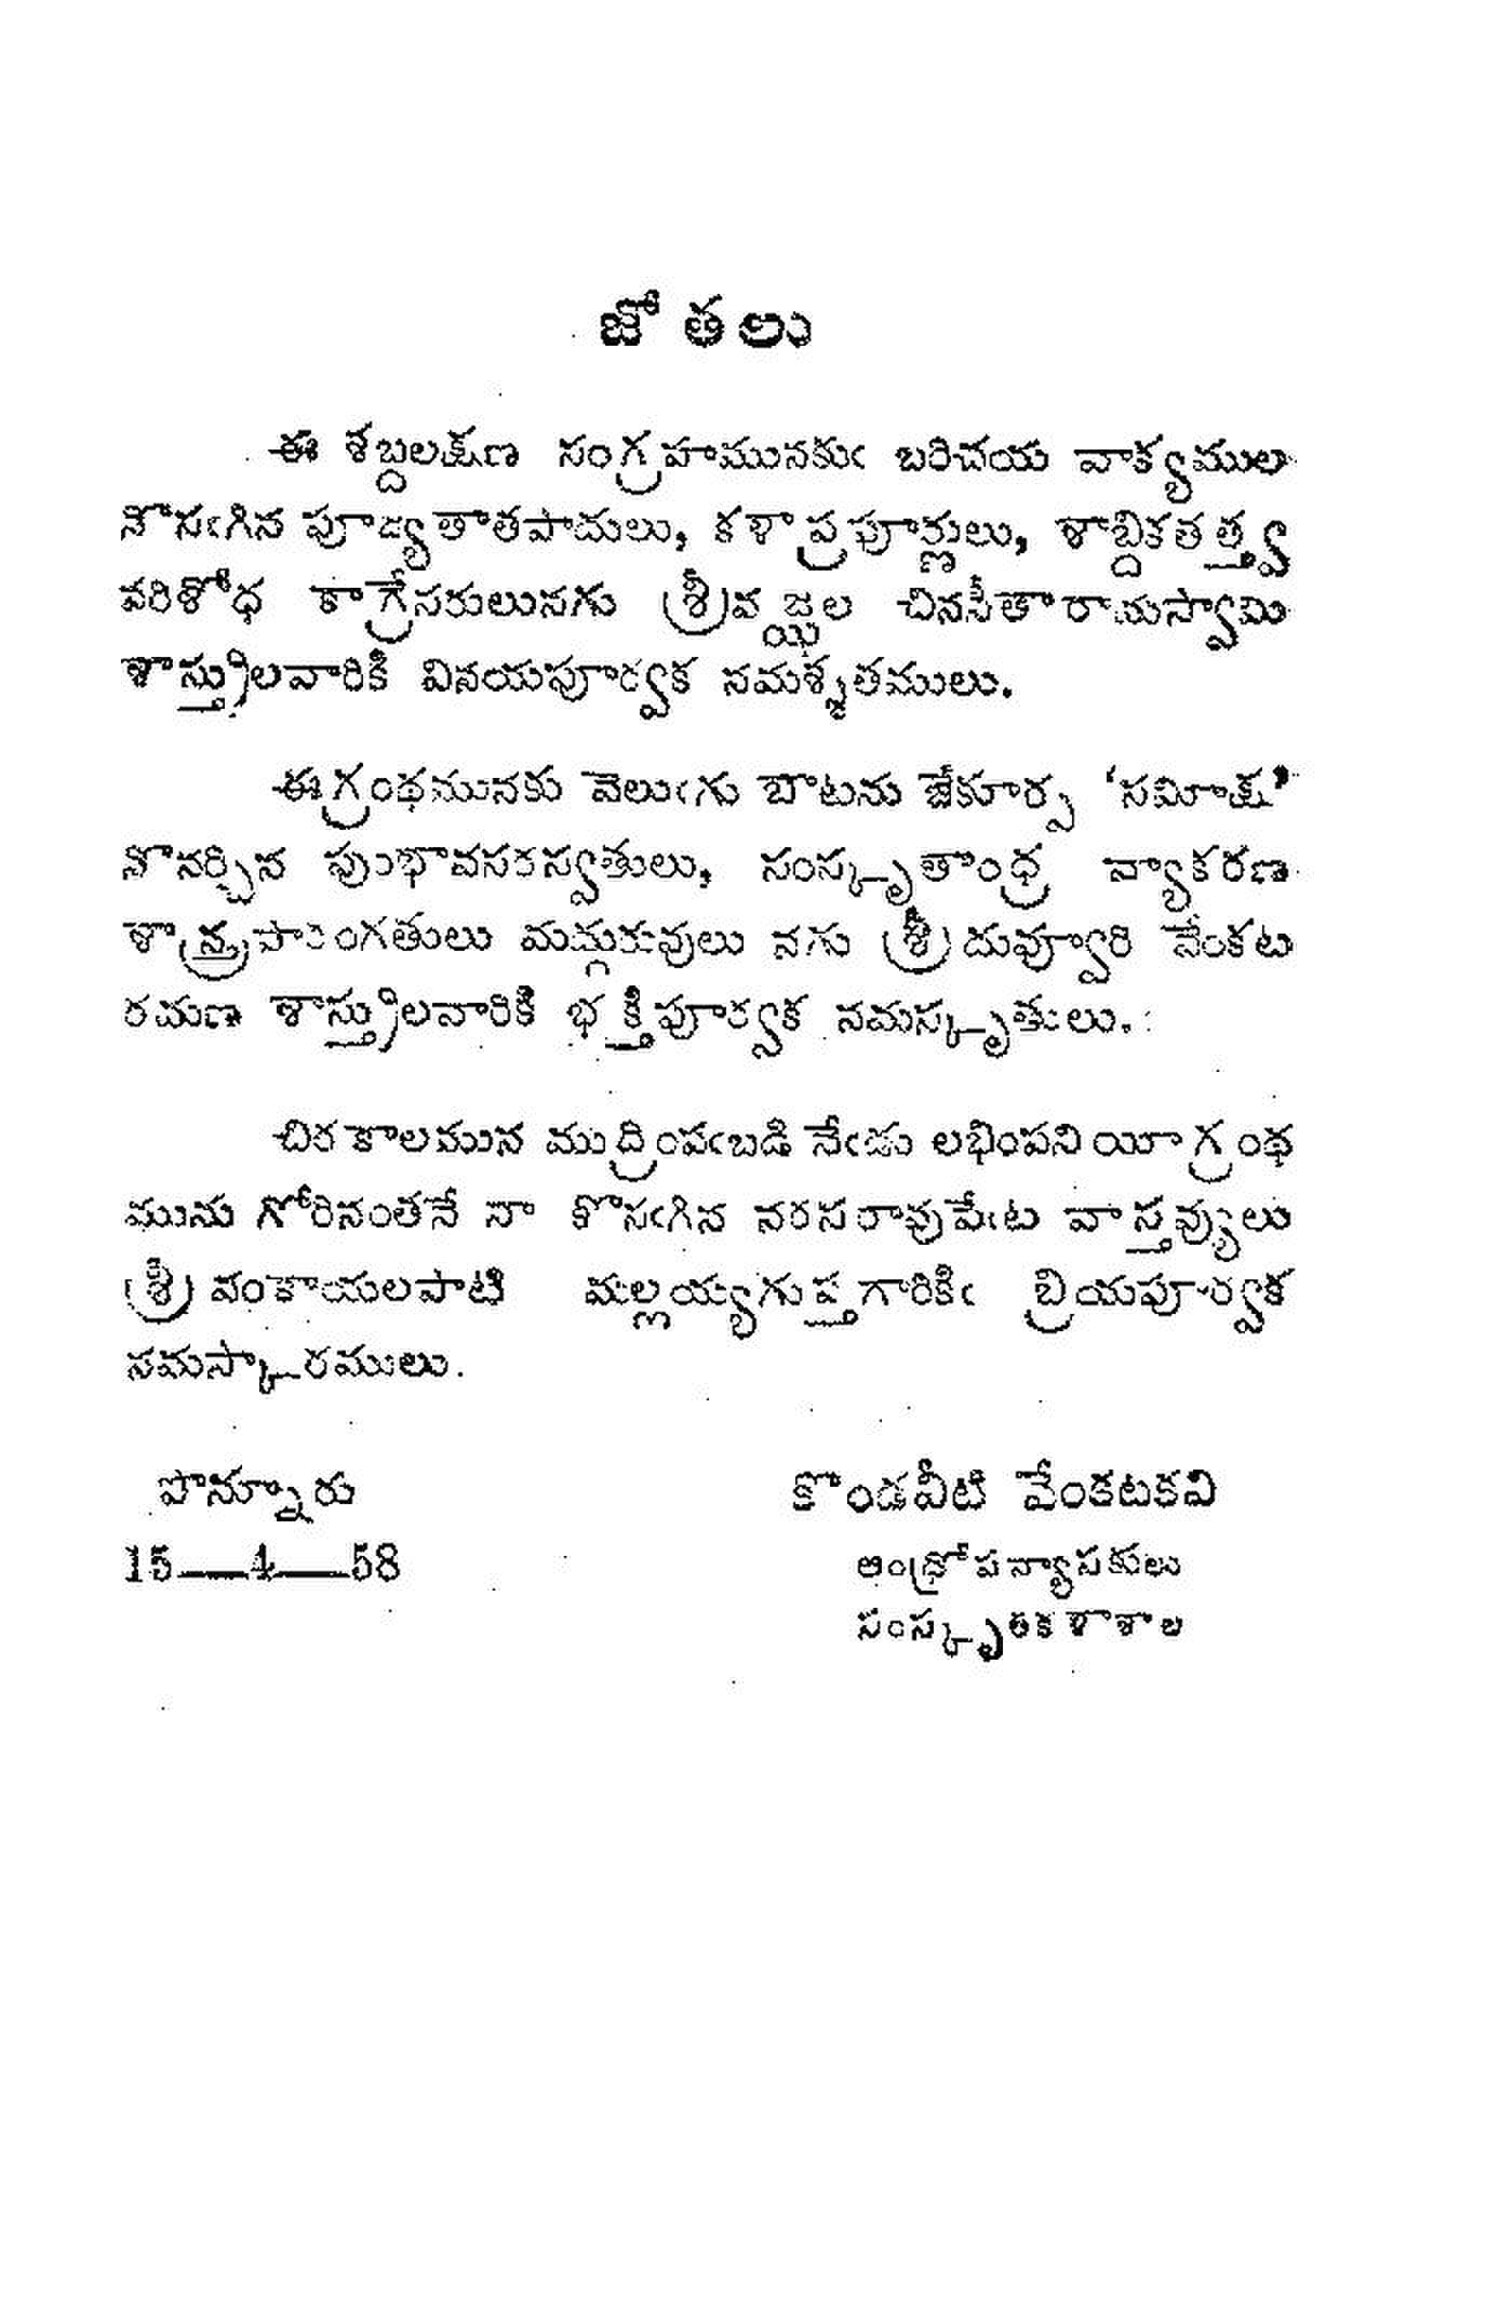జోతలు 

ఈ శబ్దలక్షణ సంగ్రహమునకుఁ బరిచయ వాక్యముల నొసఁగిన పూజ్యతాతపాదులు, కళాప్రపూర్ణులు, శాబ్దికతత్త్వ పరిశోధ కాగ్రేసరులునగు శ్రీవజ్ఝల చినసీతారామస్వామి శాస్త్రులవారికి వినయపూర్వక నమశ్శతములు.

ఈ గ్రంథమునకు వెలుఁగు బాటను జేకూర్ప 'సమీక్ష' నొనర్చిన పుంభావసరస్వతులు, సంస్కృతాంధ్ర వ్యాకరణశాస్త్ర పారంగతులు మద్గురువులు నగు శ్రీ దువ్వూరి వేంకటరమణ శాస్త్రులవారికి భక్తిపూర్వక నమస్కృతులు. 

చిరకాలమున ముద్రింపఁబడి నేఁడు లభింపని యీగ్రంథమును గోరినంతనే నా కొసఁగిన నరసరావుపేఁట వాస్తవ్యులు శ్రీ వంకాయలపాటి మల్లయ్యగుప్తగారికిఁ బ్రియపూర్వక సమస్కారములు. 

పొన్నూరు

15 - 4 - 58